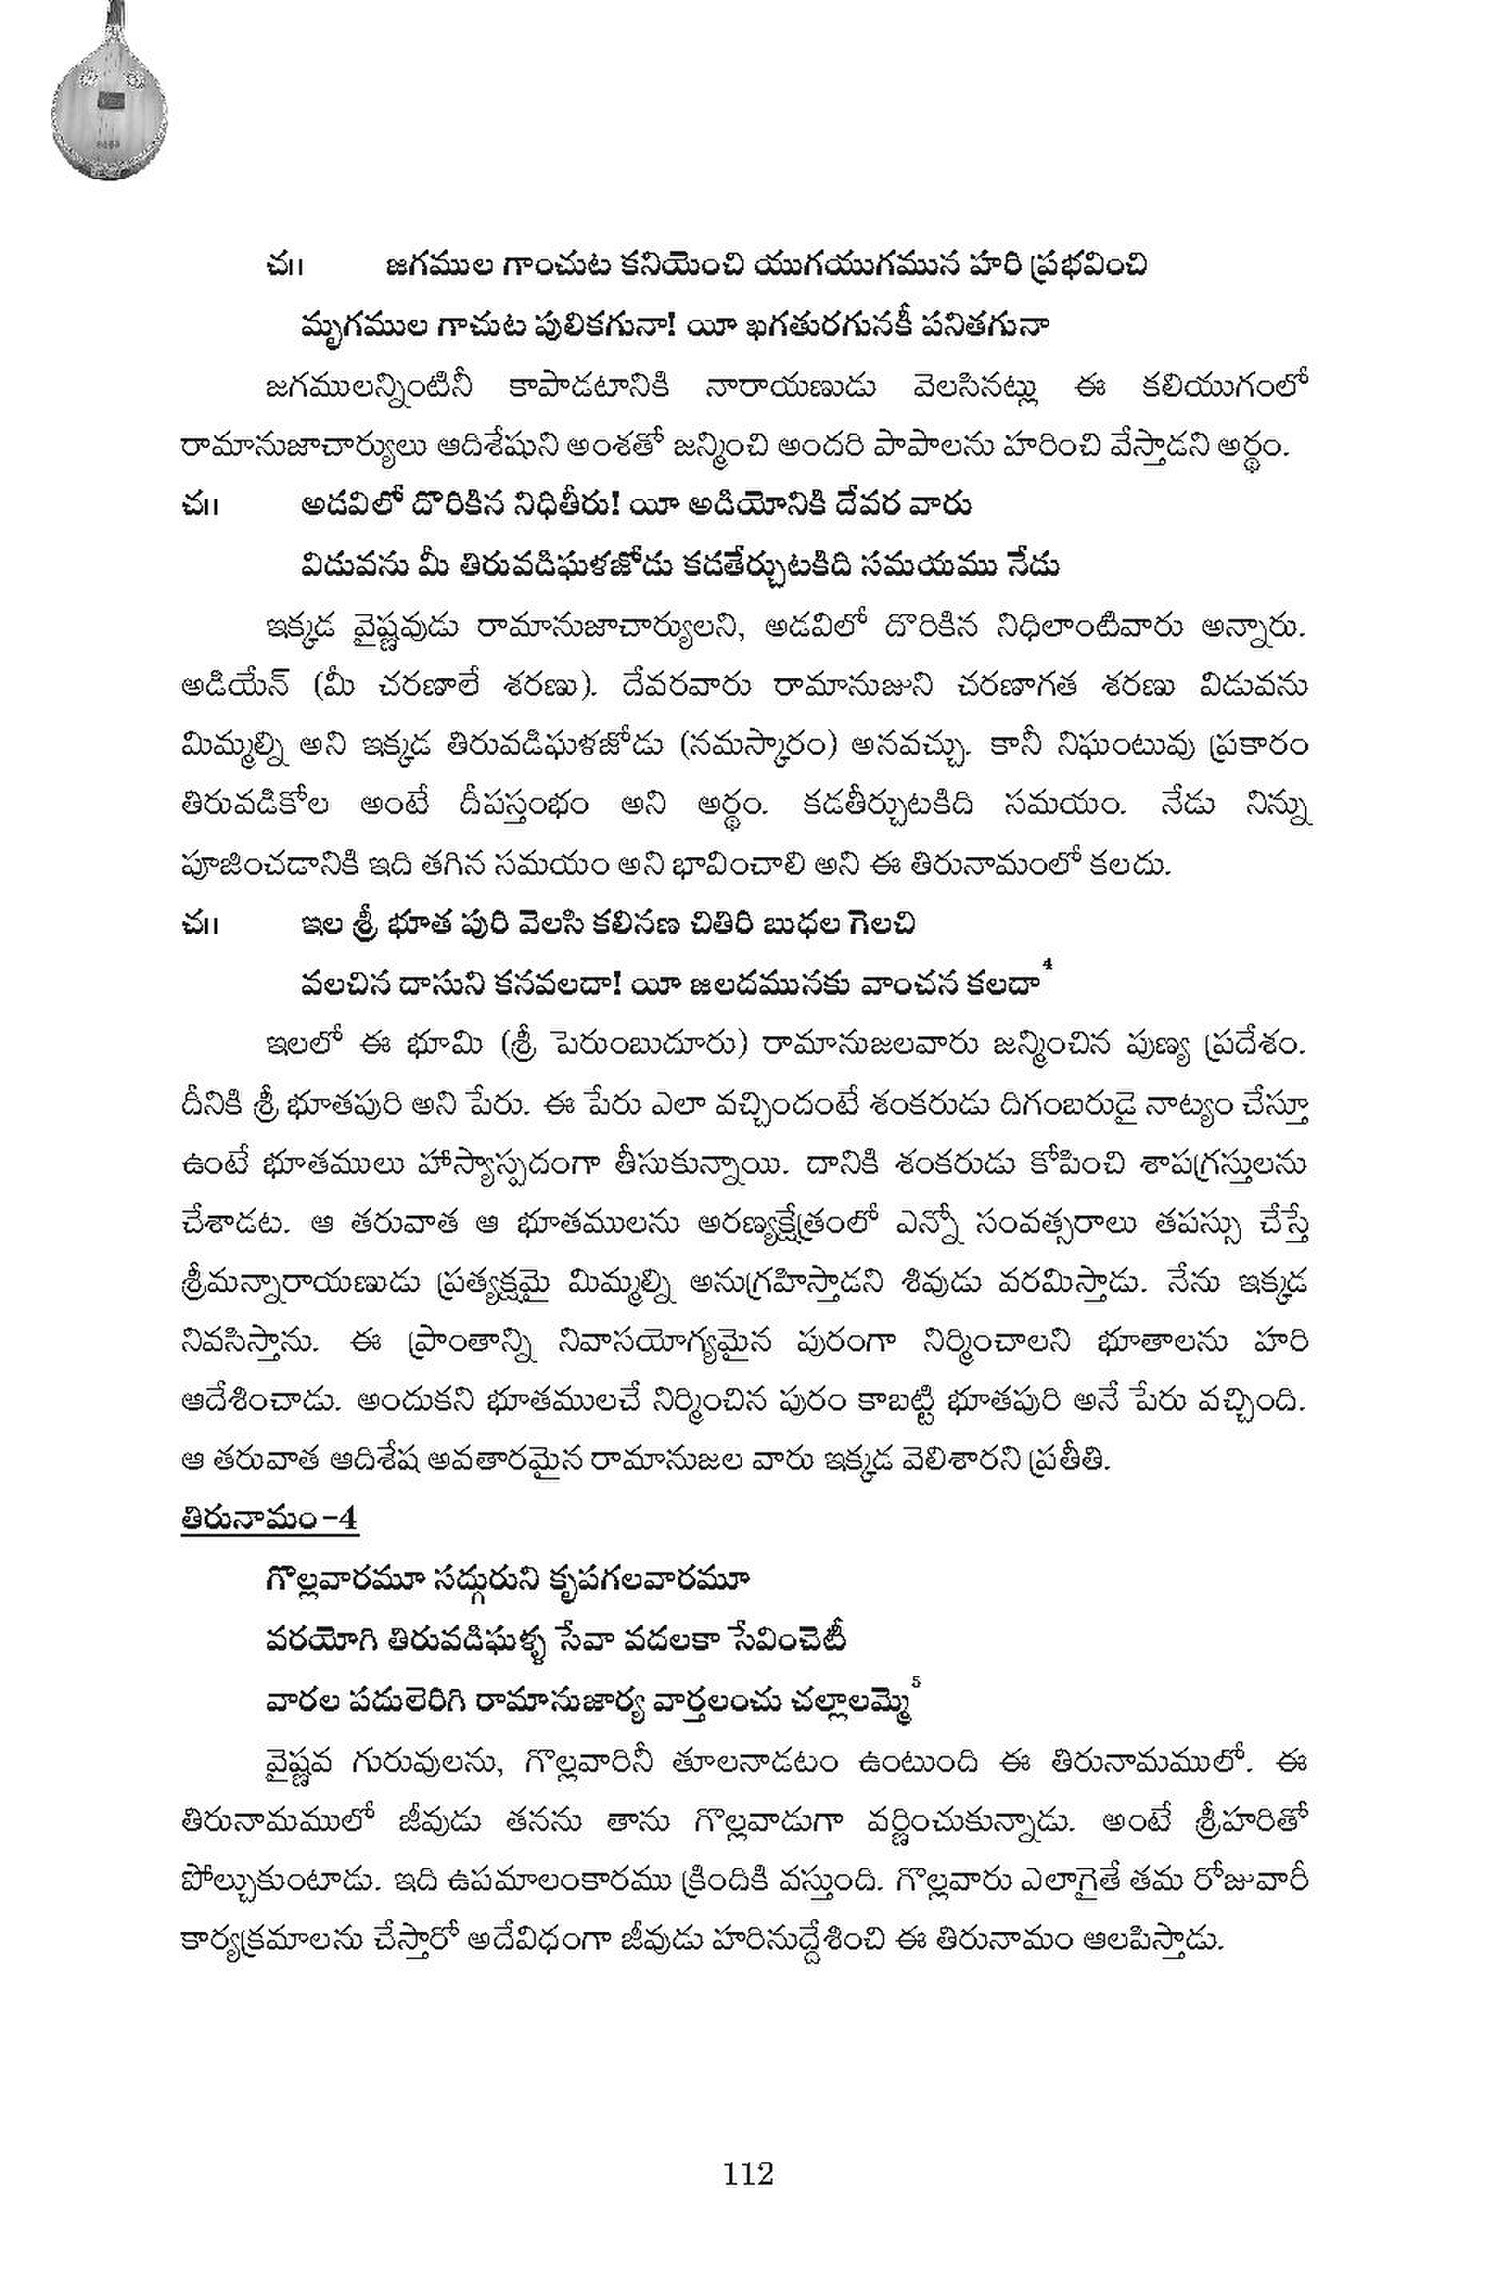చ౹౹ జగముల గాంచుట కనియెంచి యుగయుగమున హరి ప్రభవించి
మృగముల గాచుట పులికగునా! యీ ఖగతురగునకీ పనితగునా

జగములన్నింటినీ కాపాడటానికి నారాయణుడు వెలసినట్లు ఈ కలియుగంలో రామానుజాచార్యులు ఆదిశేషుని అంశతో జన్మించి అందరి పాపాలను హరించి వేస్తాడని అర్థం. 

చ౹౹ అడవిలో దొరికిన నిధితీరు! యీ అడియోనికి దేవర వారు
విడువను మీ తిరువడిఘళజోడు కడతేర్చుటకిది సమయము నేడు

ఇక్కడ వైష్ణవుడు రామానుజాచార్యులని, అడవిలో దొరికిన నిధిలాంటివారు అన్నారు. అడియేన్ (మీ చరణాలే శరణు). దేవరవారు రామానుజుని చరణాగత శరణు విడువను మిమ్మల్ని అని ఇక్కడ తిరువడిఘళజోడు (నమస్కారం) అనవచ్చు. కానీ నిఘంటువు ప్రకారం తిరువడికోల అంటే దీపస్తంభం అని అర్థం. కడతీర్చుటకిది సమయం. నేడు నిన్ను పూజించడానికి ఇది తగిన సమయం అని భావించాలి అని ఈ తిరునామంలో కలదు.

చ౹౹ ఇల శ్రీ భూత పురి వెలసి కలినణ చితిరి బుధల గెలచి
వలచిన దాసుని కనవలదా! యీ జలదమునకు వాంచన కలదా4

ఇలలో ఈ భూమి (శ్రీ పెరుంబుదూరు) రామానుజలవారు జన్మించిన పుణ్య ప్రదేశం. దీనికి శ్రీ భూతపురి అని పేరు. ఈ పేరు ఎలా వచ్చిందంటే శంకరుడు దిగంబరుడై నాట్యం చేస్తూ ఉంటే భూతములు హాస్యాస్పదంగా తీసుకున్నాయి. దానికి శంకరుడు కోపించి శాపగ్రస్తులను చేశాడట. ఆ తరువాత ఆ భూతములను అరణ్యక్షేత్రంలో ఎన్నో సంవత్సరాలు తపస్సు చేస్తే శ్రీమన్నారాయణుడు ప్రత్యక్షమై మిమ్మల్ని అనుగ్రహిస్తాడని శివుడు వరమిస్తాడు. నేను ఇక్కడ నివసిస్తాను. ఈ ప్రాంతాన్ని నివాసయోగ్యమైన పురంగా నిర్మించాలని భూతాలను హరి ఆదేశించాడు. అందుకని భూతములచే నిర్మించిన పురం కాబట్టి భూతపురి అనే పేరు వచ్చింది. ఆ తరువాత ఆదిశేష అవతారమైన రామానుజల వారు ఇక్కడ వెలిశారని ప్రతీతి.

తిరునామం-4

గొల్లవారమూ సద్గురుని కృపగలవారమూ
వరయోగి తిరువడిఘళ్ళ సేవా వదలకా సేవించెటీ
వారల పదులెరిగి రామానుజార్య వార్తలంచు చల్లాలమ్మె5

వైష్ణవ గురువులను, గొల్లవారినీ తూలనాడటం ఉంటుంది ఈ తిరునామములో. ఈ తిరునామములో జీవుడు తనను తాను గొల్లవాడుగా వర్ణించుకున్నాడు. అంటే శ్రీహరితో పోల్చుకుంటాడు. ఇది ఉపమాలంకారము క్రిందికి వస్తుంది. గొల్లవారు ఎలాగైతే తమ రోజువారీ కార్యక్రమాలను చేస్తారో అదేవిధంగా జీవుడు హరినుద్దేశించి ఈ తిరునామం ఆలపిస్తాడు.